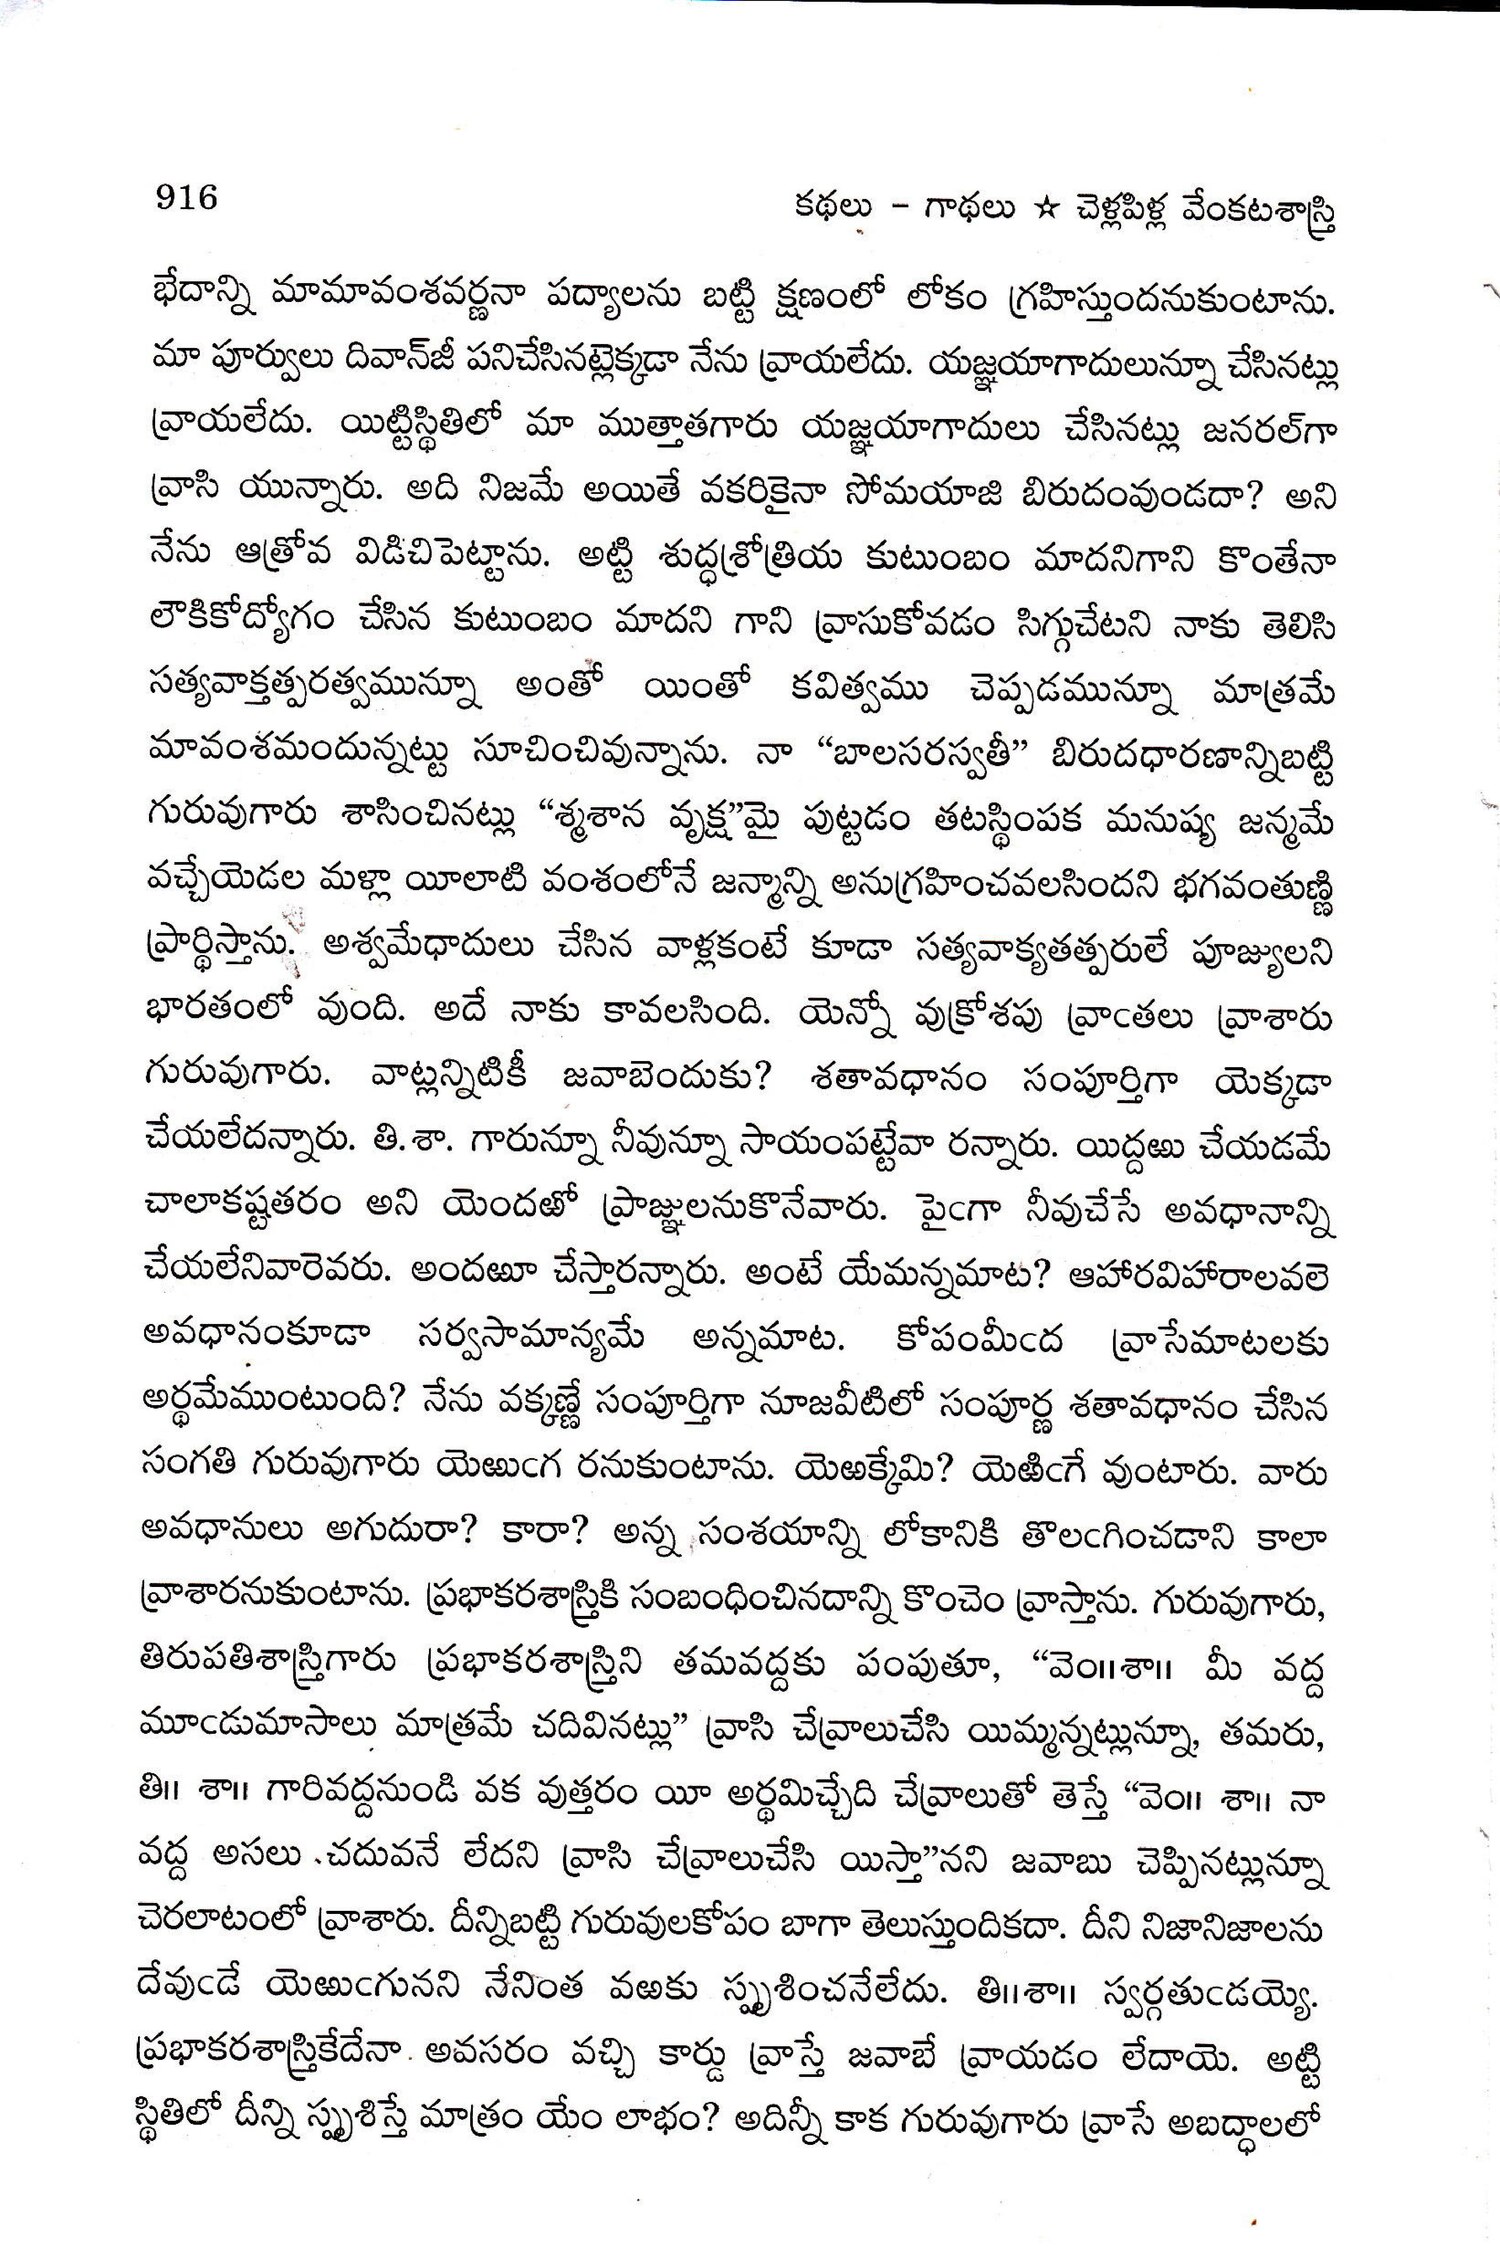భేదాన్ని మామావంశవర్ణనా పద్యాలను బట్టి క్షణంలో లోకం గ్రహిస్తుందనుకుంటాను. మా పూర్వులు దివాన్‌జీ పనిచేసినట్లెక్కడా నేను వ్రాయలేదు. యజ్ఞయాగాదులున్నూ చేసినట్లు వ్రాయలేదు. యిట్టిస్థితిలో మా ముత్తాతగారు యజ్ఞయాగాదులు చేసినట్లు జనరల్‌గా వ్రాసి యున్నారు. అది నిజమే అయితే వకరికైనా సోమయాజి బిరుదంవుండదా? అని నేను ఆత్రోవ విడిచిపెట్టాను. అట్టి శుద్ధశ్రోత్రియ కుటుంబం మాదనిగాని కొంతేనా లౌకికోద్యోగం చేసిన కుటుంబం మాదని గాని వ్రాసుకోవడం సిగ్గుచేటని నాకు తెలిసి సత్యవాక్తత్పరత్వమున్నూ అంతో యింతో కవిత్వము చెప్పడమున్నూ మాత్రమే మావంశమందున్నట్టు సూచించివున్నాను. నా “బాలసరస్వతీ” బిరుదధారణాన్నిబట్టి గురువుగారు శాసించినట్లు "శ్మశాన వృక్ష"మై పుట్టడం తటస్థింపక మనుష్య జన్మమే వచ్చేయెడల మళ్లా యీలాటి వంశంలోనే జన్మాన్ని అనుగ్రహించవలసిందని భగవంతుణ్ణి ప్రార్ధిస్తాను అశ్వమేధాదులు చేసిన వాళ్లకంటే కూడా సత్యవాక్యతత్పరులే పూజ్యులని భారతంలో వుంది. అదే నాకు కావలసింది. యెన్నో వుక్రోశపు వ్రాఁతలు వ్రాశారు గురువుగారు. వాట్లన్నిటికీ జవాబెందుకు? శతావధానం సంపూర్తిగా యొక్కడా చేయలేదన్నారు. తి.శా. గారున్నూ నీవున్నూ సాయంపట్టేవా రన్నారు. యిద్దఱు చేయడమే చాలాకష్టతరం అని యెందఱో ప్రాజ్ఞులనుకొనేవారు. పైఁగా నీవుచేసే అవధానాన్ని చేయలేనివారెవరు. అందఱూ చేస్తారన్నారు. అంటే యేమన్నమాట? ఆహారవిహారాలవలె అవధానంకూడా సర్వసామాన్యమే అన్నమాట. కోపంమీఁద వ్రాసేమాటలకు అర్థమేముంటుంది? నేను వకణ్ణే సంపూర్తిగా నూజవీటిలో సంపూర్ణ శతావధానం చేసిన సంగతి గురువుగారు యెఱుఁగ రనుకుంటాను. యెఱక్కేమి? యెఱిఁగే వుంటారు. వారు అవధానులు అగుదురా? కారా? అన్న సంశయాన్ని లోకానికి తొలఁగించడాని కాలా వ్రాశారనుకుంటాను. ప్రభాకరశాస్త్రికి సంబంధించినదాన్ని కొంచెం వ్రాస్తాను. గురువుగారు, తిరుపతిశాస్త్రిగారు ప్రభాకరశాస్త్రిని తమవద్దకు పంపుతూ, "వెం||శా|| మీ వద్ద మూఁడుమాసాలు మాత్రమే చదివినట్లు వ్రాసి చేవ్రాలుచేసి యిమ్మన్నట్లున్నూ, తమరు, తి|| శా|| గారివద్దనుండి వక వుత్తరం యీ అర్థమిచ్చేది చేవ్రాలుతో తెస్తే “వెంll శా|| నా వద్ద అసలు చదువనే లేదని వ్రాసి చేవ్రాలుచేసి యిస్"తానని జవాబు చెప్పినట్లున్నూ చెరలాటంలో వ్రాశారు. దీన్నిబట్టి గురువులకోపం బాగా తెలుస్తుందికదా. దీని నిజానిజాలను దేవుఁడే యెఱుఁగునని నేనింత వఱకు సృశించనేలేదు. తి||శా|| స్వర్గతుఁడయ్యె ప్రభాకరశాస్త్రికేదేనా. అవసరం వచ్చి కార్డు వ్రాస్తే జవాబే వ్రాయడం లేదాయె, అట్టి స్థితిలో దీన్ని సృశిస్తే మాత్రం యేం లాభం? అదిన్నీ కాక గురువుగారు వ్రాసే అబద్ధాలలో